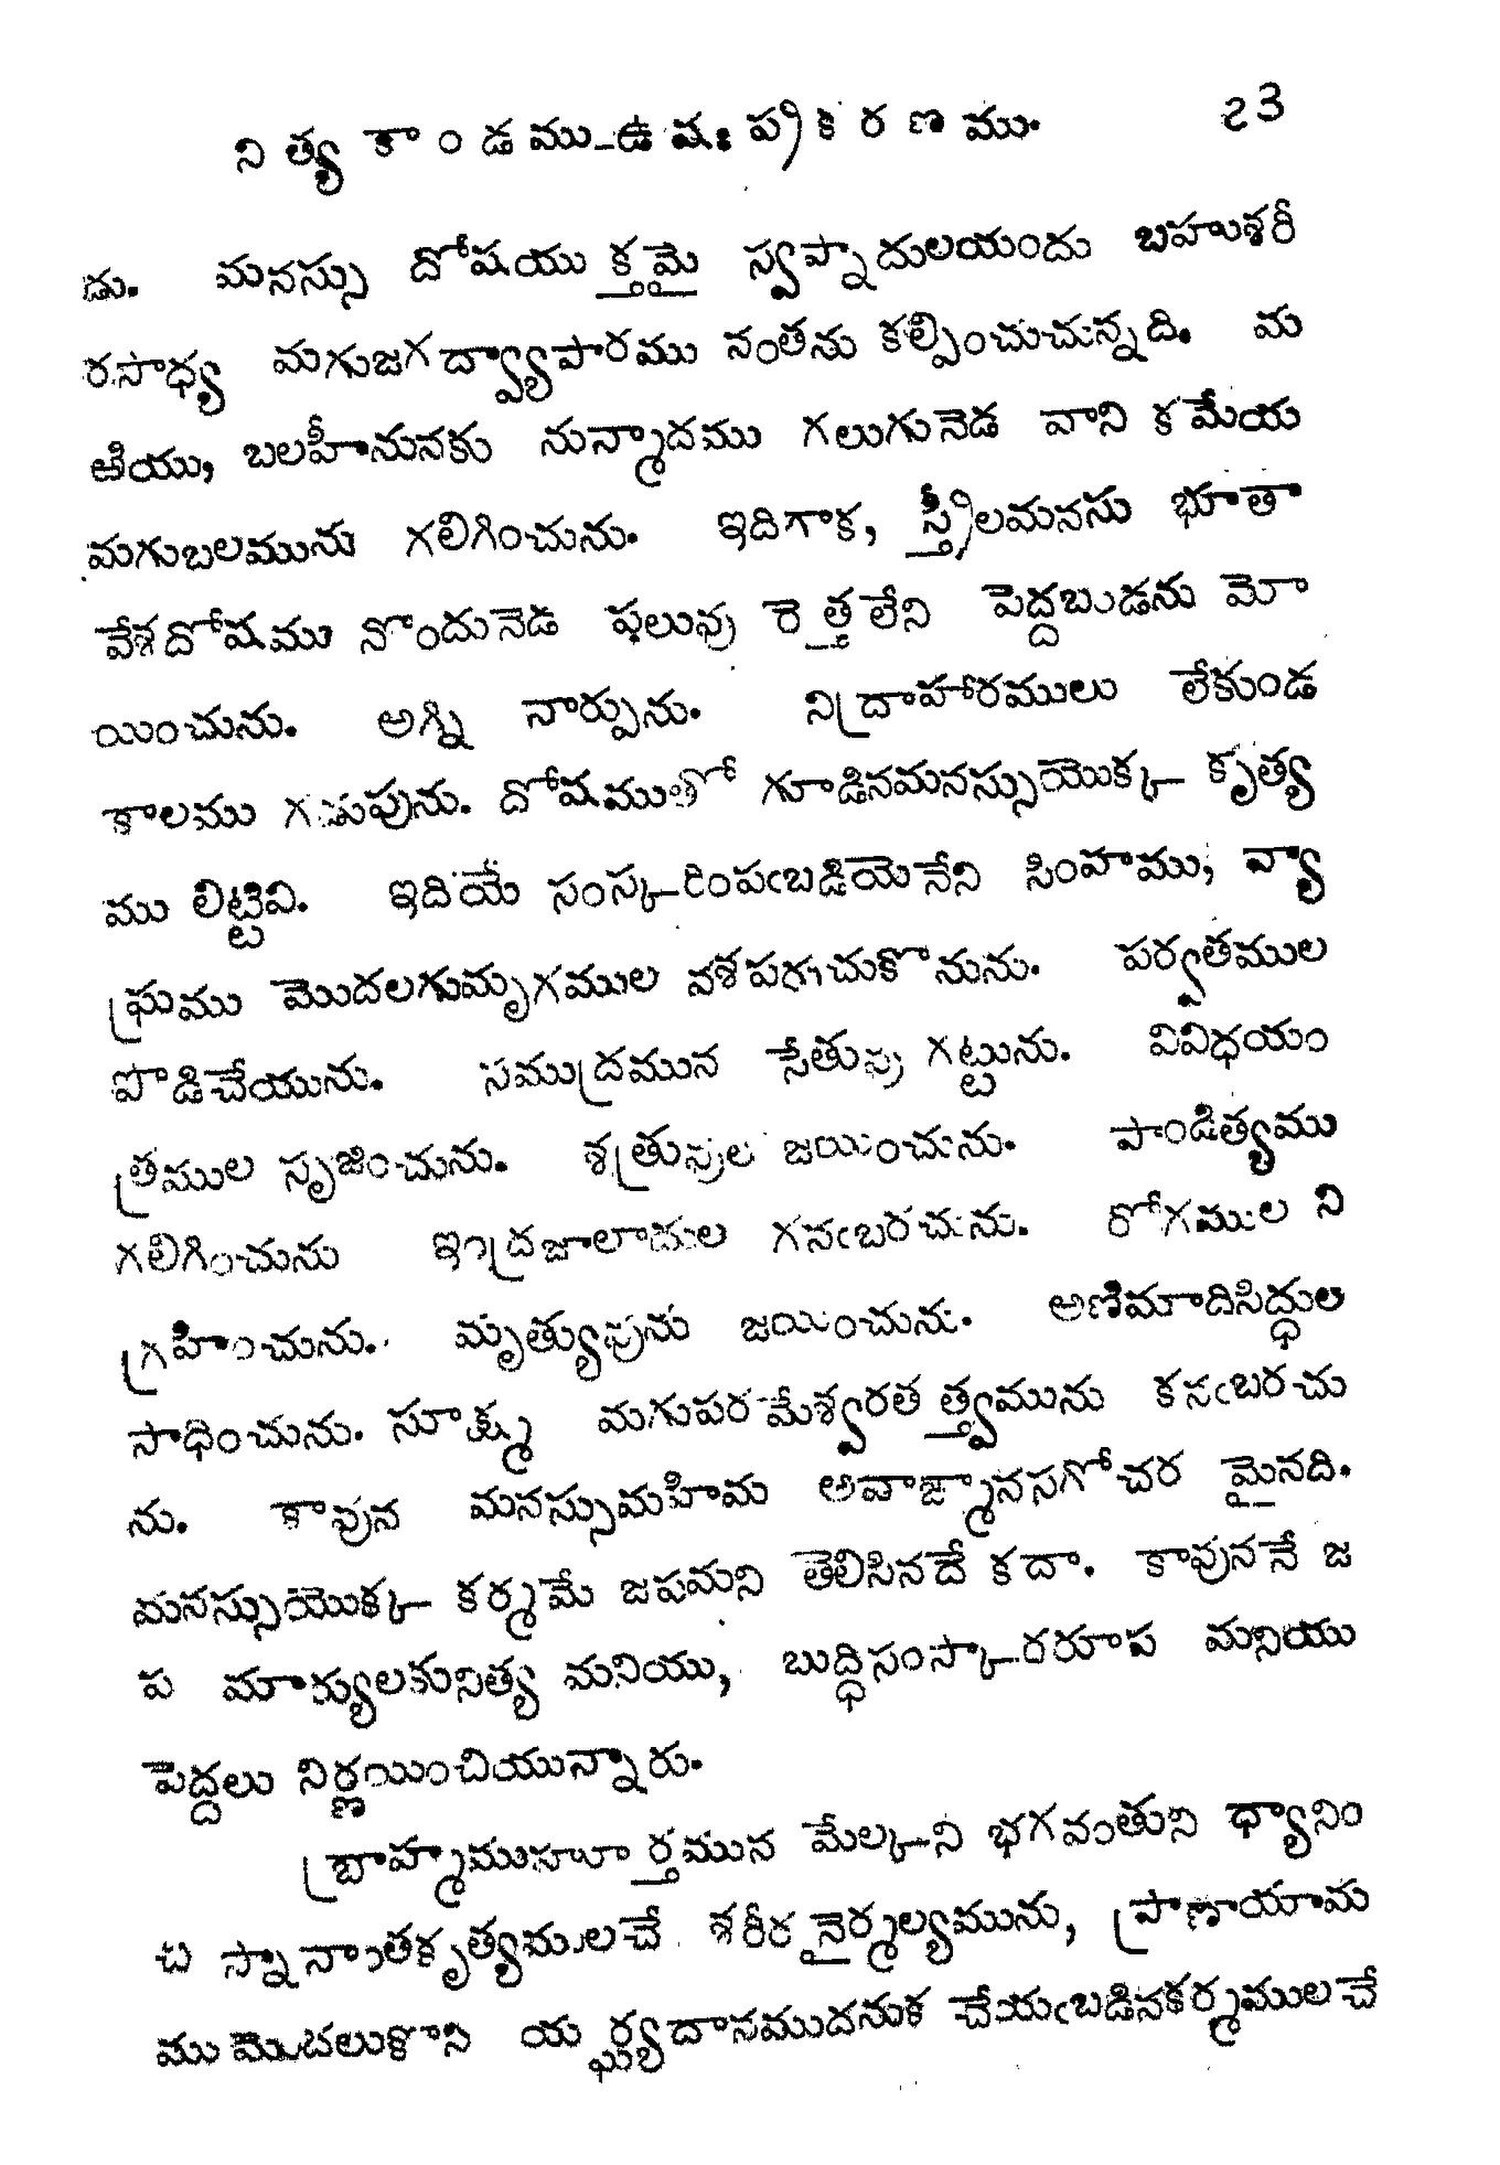డు. మనస్సు దోషయుక్తమై స్వప్నాదులయందు బహుశరీరసాధ్య మగుజగద్వ్యాపారము నంతను కల్పించుచున్నది. మఱియు, బలహీనునకు నున్మాదము గలుగునెడ వాని కమేయమగుబలమును గలిగించును. ఇదిగాక, స్త్రీలమనసు భూతావేశదోషము నొందునెడ పలువు రెత్తలేని పెద్దబండను మోయించును. అగ్ని నార్పును. నిద్రాహారములు లేకుండ కాలము గడుపును. దోషముతో గూడినమనస్సుయొక్క కృత్యము లిట్టివి. ఇదియే సంస్కరింపఁబడియెనేని సింహము, వ్యాఘ్రము మొదలగుమృగముల వశపరుచుకొనును. పర్వతముల పొడిచేయును. సముద్రమున సేతువు గట్టును. వివిధయంత్రముల సృజించును. శత్రువుల జయించును. పాండిత్యము గలిగించును ఇంద్రజాలాదుల గనఁబరచును. రోగముల నిగ్రహించును. మృత్యువును జయించును. అణిమాదిసిద్ధుల సాధించును. సూక్ష్మ మగుపరమేశ్వరతత్త్వమును కనఁబరచును. కావున మనస్సుమహిమ అవాజ్మానసగోచర మైనది. మనస్సుయొక్క కర్మమే జపమని తెలిసినదే కదా. కావుననే జప మార్యులకునిత్య మనియు, బుద్ధిసంస్కారరూప మనియు పెద్దలు నిర్ణయించియున్నారు.

బ్రాహ్మముహూర్తమున మేల్కని భగవంతుని ధ్యానించి స్నానాంతకృత్యములచే శరీరనైర్మల్యమును, ప్రాణాయామము మొదలుకొని యర్ఘ్యదానముదనుక చేయఁబడినకర్మములచే